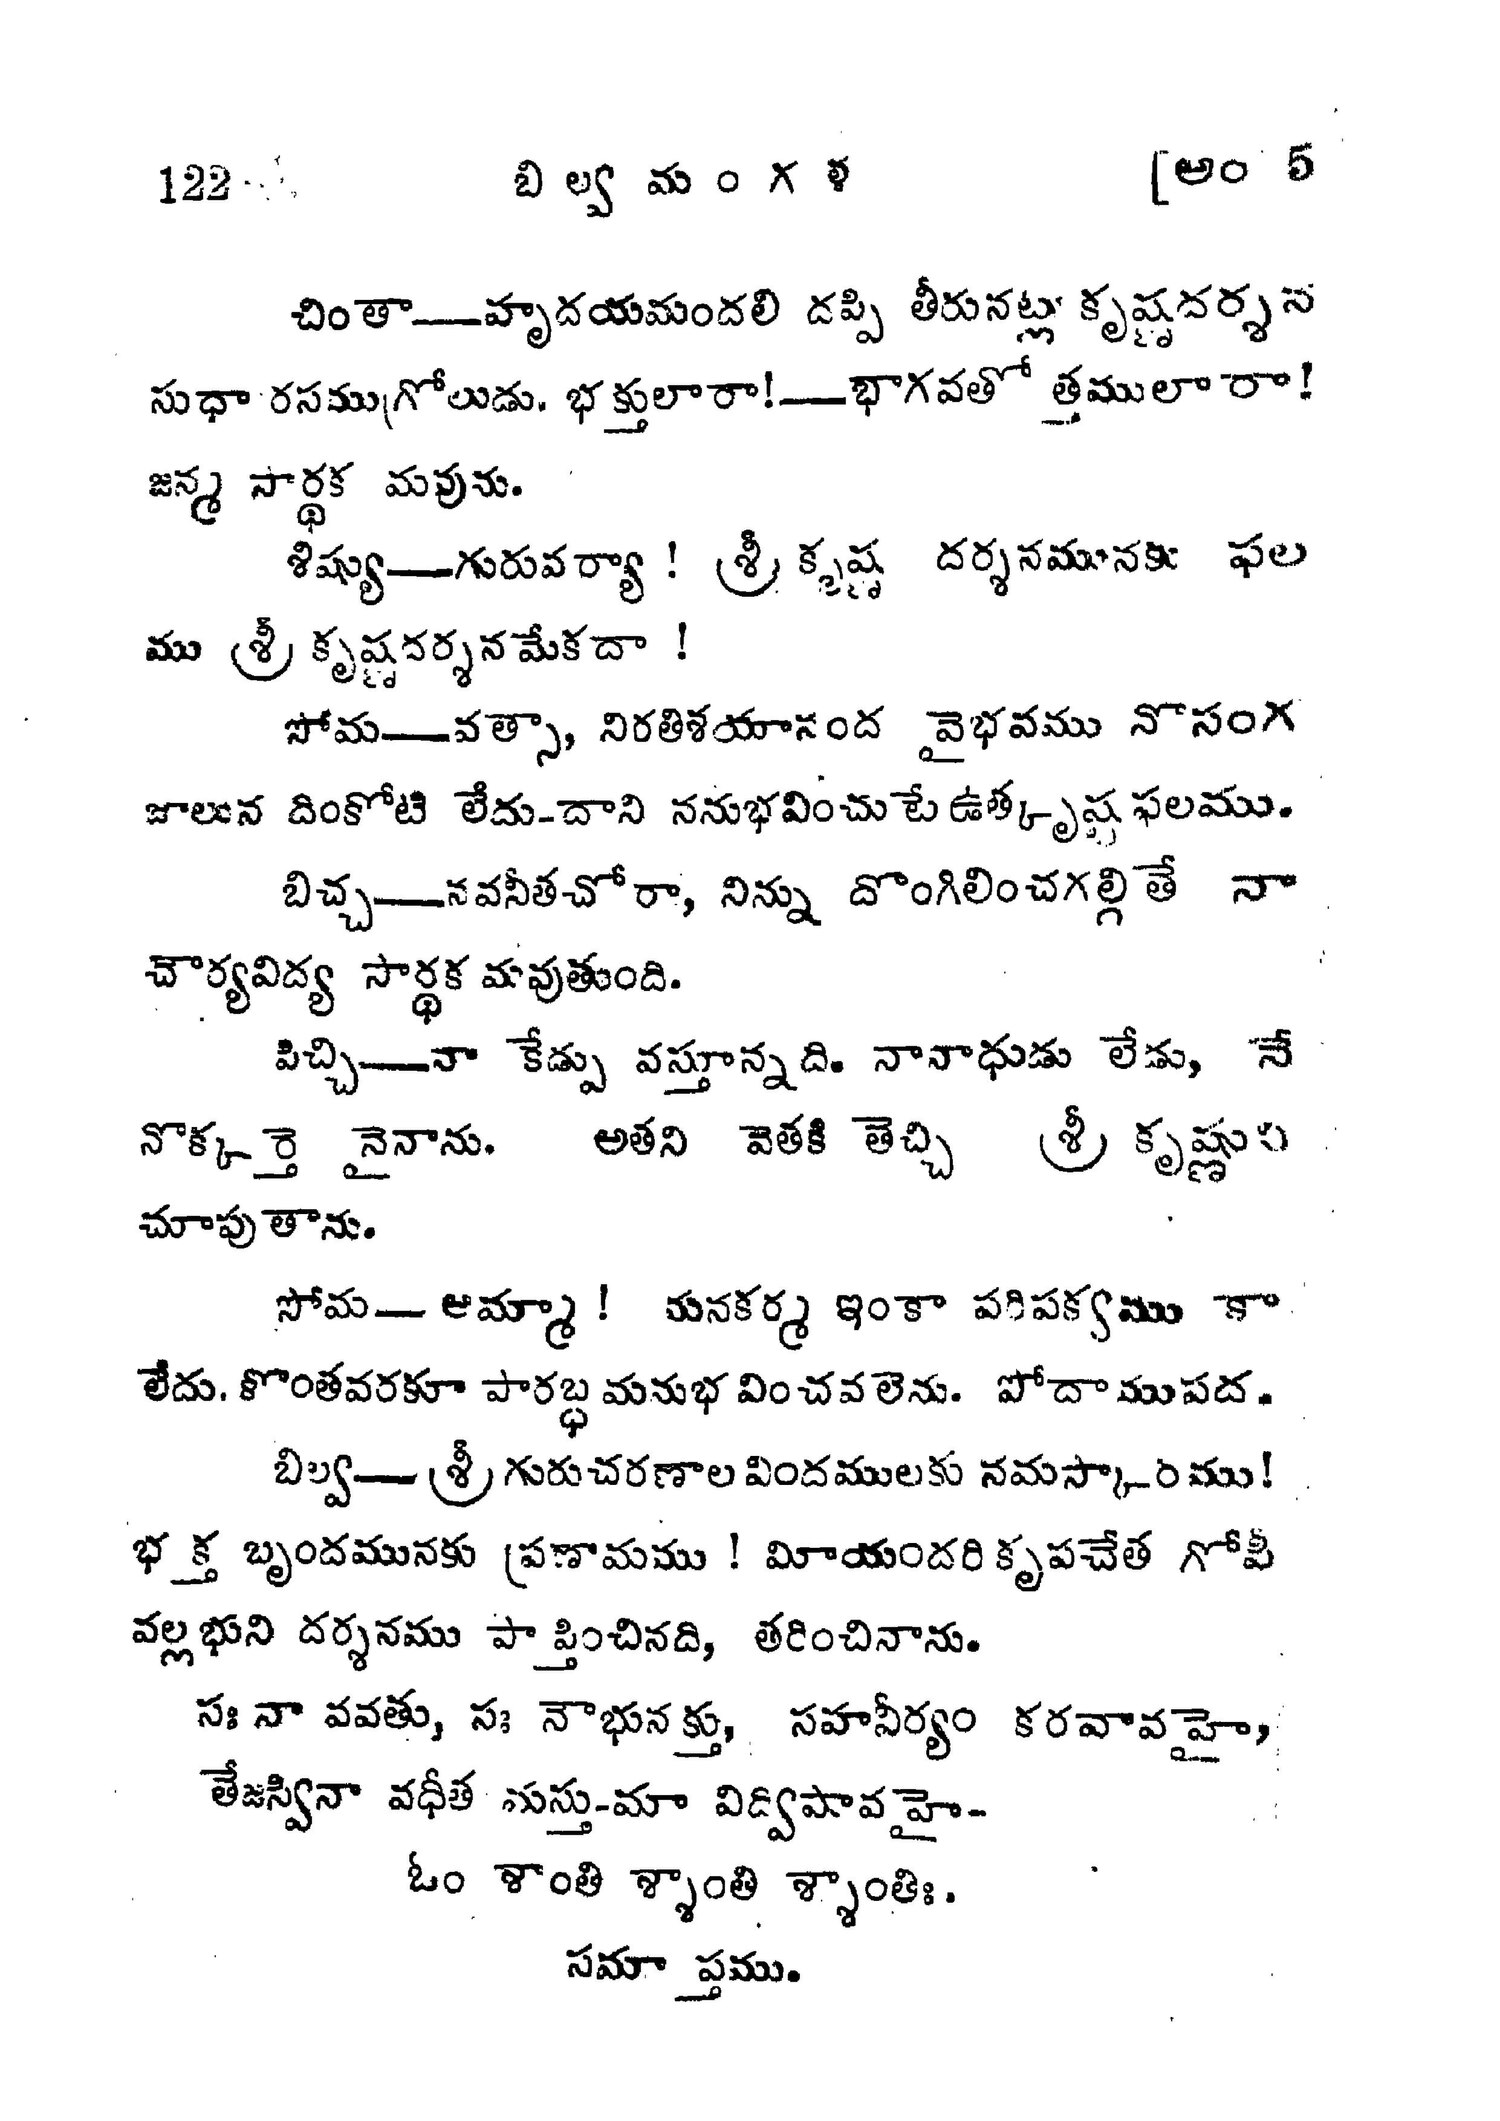చింతా - హృదయమందలి దప్పి తీరునట్లు కృష్ణదర్శన సుధా రసముగ్రోలుడు. భక్తులారా! - భాగవతోత్తములారా! జన్మ సార్థక మవును.

శిష్యు - గురువర్యా! శ్రీకృష్ణ దర్శనమునకు ఫలము శ్రీ కృష్ణదర్శనమేకదా!

సోమ - వత్సా, నిరతిశయానంద వైభవము నొసంగ జాలున దింకోటి లేదు-దాని ననుభవించుటే ఉత్కృష్ట ఫలము.

బిచ్చ - నవనీతచోరా, నిన్ను దొంగిలించగల్గితే నా చౌర్యవిద్య సార్థక మవుతుంది.

పిచ్చి - నా కేడ్పు వస్తూన్నది. నానాధుడు లేడు, నే నొక్కర్తె నైనాను. అతని వెతకి తెచ్చి శ్రీ కృష్ణుని చూపుతాను.

సోమ - అమ్మా ! మనకర్మ ఇంకా పరిపక్వము కా లేదు. కొంతవరకూ పారబ్ధ మనుభవించవలెను. పోదాముపద.

బిల్వ - శ్రీ గురుచరణాల విందములకు నమస్కారము! భక్త బృందమునకు ప్రణామము! మీయందరికృపచేత గోపీ వల్లభుని దర్శనము ప్రాప్తించినది, తరించినాను.

 స:నా వవతు, స: నౌభునక్తు, సహవీర్యం కరవావహై,
 తేజస్వినా వధీత మస్తు-మా విద్విషావహై-
 ఓం శాంతి శ్శాంతి శ్శాంతి:.